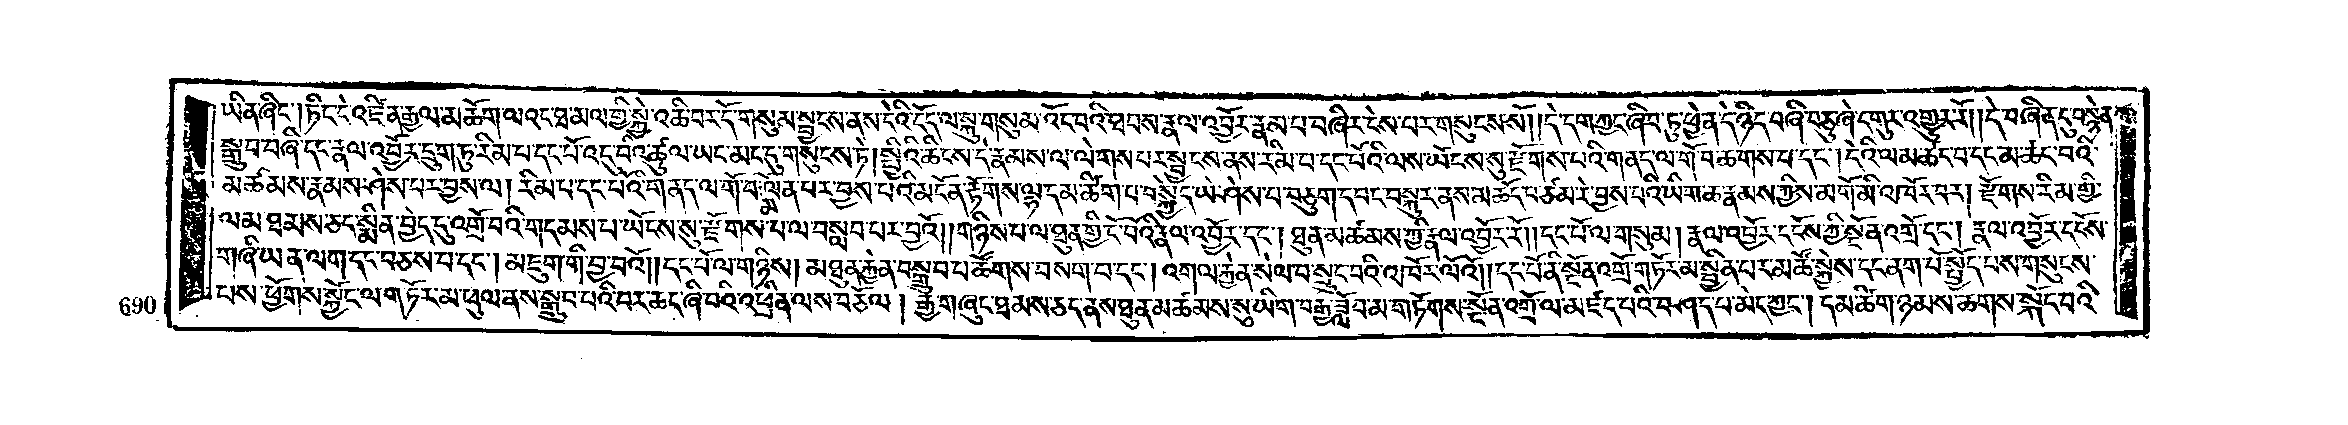ཡིན་ཞིང་། ཏིང་ངེ་འཛིན་རྒྱལ་མཆོག་ལའང་ཐ་མལ་གྱི་སྐྱེ་འཆི་བར་དོ་གསུམ་སྦྱངས་ནས་དེའི་དོད་ལ་སྐུ་གསུམ་འོང་བའི་ཐབས་རྣལ་འབྱོར་རྣམ་པ་བཞིར་ངེས་པར་གསུངས་སོ། །དེ་དག་ཀྱང་ཞིབ་ཏུ་ཕྱེ་ན་དེ་ཉིད་བཞི་བཅུ་ཞེ་དགུར་འགྱུར་རོ། །དེ་བཞིན་དུ་བསྙེན་
སྒྲུབ་བཞི་དང་རྣལ་འབྱོར་དྲུག་ཏུ་རིམ་པ་དང་པོ་འདུ་བའི་ཚུལ་ཡང་མང་དུ་གསུངས་ཏེ། སྤྱིའི་ཆིངས་དེ་རྣམས་ལ་ལེགས་པར་སྦྱངས་ནས་རིམ་པ་དང་པོའི་ལས་ཡོངས་སུ་རྫོགས་པའི་གནད་ལ་གོ་བ་ཆགས་པ་དང་། དེའི་ལམ་ཚང་བ་དང་མ་ཚང་བའི་
མཚམས་རྣམས་ཤེས་པར་བྱས་ལ། རིམ་པ་དང་པོའི་གནད་ལ་གོ་བ་མ་ལོན་པར་བྱས་པའི་མངོན་རྟོགས་ལྷ་དམ་ཚིག་པ་བསྐྱེད་ཡེ་ཤེས་པ་བཅུག་དབང་བསྐུར་ནས་མཆོད་པ་ཙམ་རེ་བྱས་པའི་ཡིག་ཆ་རྣམས་ཀྱིས་མགོ་མི་འཁོར་བར། རྫོགས་རིམ་གྱི་
ལམ་ཐམས་ཅད་སྨིན་བྱེད་དུ་འགྲོ་བའི་གདམས་པ་ཡོངས་སུ་རྫོགས་པ་ལ་བསླབ་པར་བྱའོ། །གཉིས་པ་ལ་ཐུན་གྱི་ངོ་བོའི་རྣལ་འབྱོར་དང་། ཐུན་མཚམས་ཀྱི་རྣལ་འབྱོར་རོ། །དང་པོ་ལ་གསུམ། རྣལ་འབྱོར་དངོས་ཀྱི་སྔོན་འགྲོ་དང་། རྣལ་འབྱོར་དངོས་
གཞི་ཡན་ལག་དང་བཅས་པ་དང་། མཇུག་གི་བྱ་བའོ། །དང་པོ་ལ་གཉིས། མཐུན་རྐྱེན་བསྒྲུབ་པ་ཚོགས་བསག་པ་དང་། འགལ་རྐྱེན་སེལ་བ་སྲུང་བའི་འཁོར་ལོའོ། །དང་པོ་ནི་སྔོན་འགྲོ་གཏོར་མ་སྦྱིན་པར་མཚོ་སྐྱེས་དང་ནག་པོ་སྤྱོད་པས་གསུངས་
པས་ཕྱོགས་སྐྱོང་ལ་གཏོར་མ་ཕུལ་ནས་སྒྲུབ་པའི་བར་ཆད་ཞི་བའི་འཕྲིན་ལས་བཅོལ། རྒྱ་གཞུང་ཐམས་ཅད་ནས་ཐུན་མཚམས་སུ་ཡིག་བརྒྱ་ཟློ་བ་མ་གཏོགས་སྔོན་འགྲོ་ལ་མཛད་པའི་བཤད་པ་མེད་ཀྱང་། དམ་ཚིག་ཉམས་ཆགས་སྐོང་བའི་